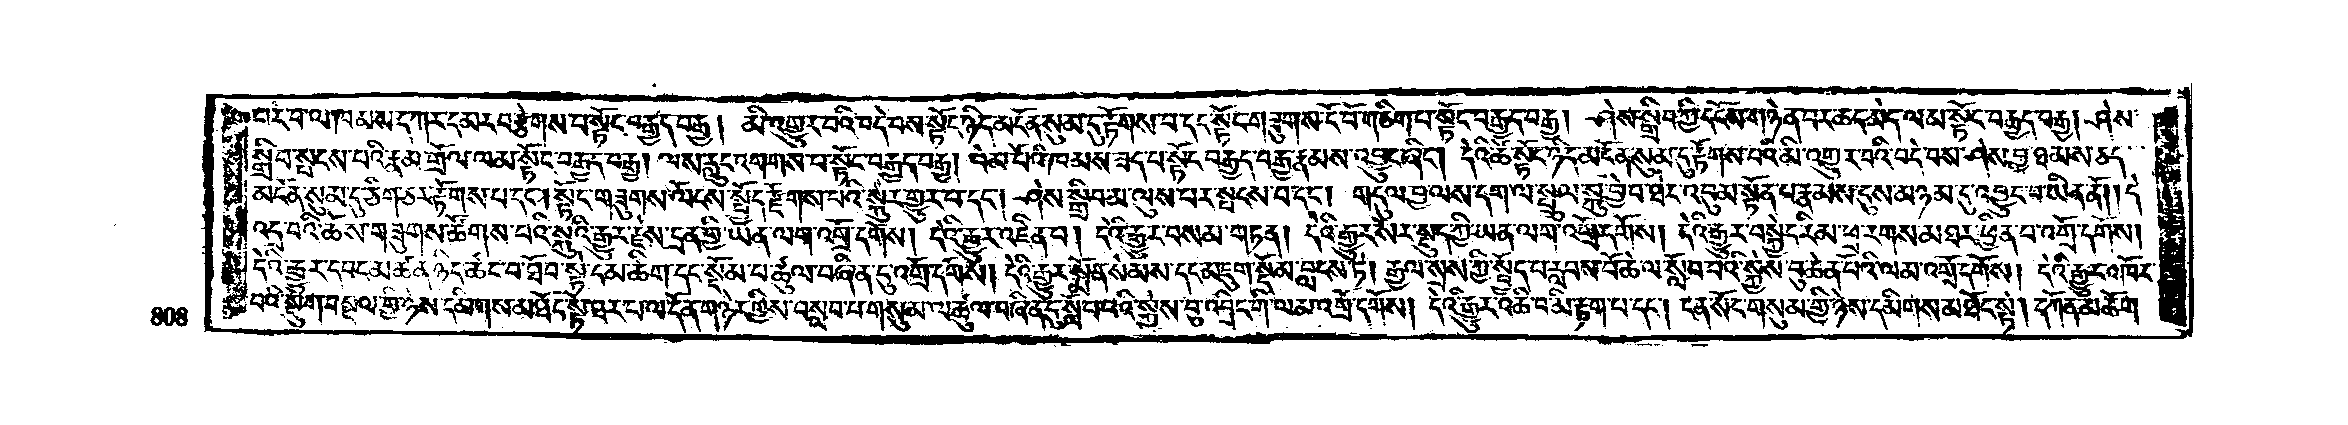བར་བ་ལ་ཁམས་དཀར་དམར་བརྩེགས་པ་སྟོང་བརྒྱད་བརྒྱ། མི་འགྱུར་བའི་བདེ་བས་སྟོང་ཉིད་མངོན་སུམ་དུ་རྟོགས་པ་དང་སྟོང་གཟུགས་ངོ་བོ་གཅིག་པ་སྟོང་བརྒྱད་བརྒྱ། ཤེས་སྒྲིབ་ཀྱི་དངོས་གཉེན་བར་ཆད་མེད་ལམ་སྟོང་བརྒྱད་བརྒྱ། ཤེས་
སྒྲིབ་སྤངས་པའི་རྣམ་གྲོལ་ལམ་སྟོང་བརྒྱད་བརྒྱ། ལས་རླུང་འགགས་པ་སྟོང་བརྒྱད་བརྒྱ། བེམ་པོའི་ཁམས་ཟད་པ་སྟོང་བརྒྱད་བརྒྱ་རྣམས་འབྱུང་ཞིང་། དེའི་ཚེ་སྟོང་ཉིད་མངོན་སུམ་དུ་རྟོགས་པའི་མི་འགྱུར་བའི་བདེ་བས་ཤེས་བྱ་ཐམས་ཅད་
མངོན་སུམ་དུ་ཅིག་ཅར་རྟོགས་པ་དང་། སྟོང་གཟུགས་ལོངས་སྤྱོད་རྫོགས་པའི་སྐུར་གྱུར་བ་དང་། ཤེས་སྒྲིབ་མ་ལུས་པར་སྤངས་པ་དང་། གདུལ་བྱ་ལས་དག་ལ་སྤྲུལ་སྐུ་བྱེ་བ་ཐེར་འབུམ་སྟོན་པ་རྣམས་དུས་མཉམ་དུ་འབྱུང་བ་ཡིན་ནོ། །དེ་
འདྲ་བའི་ཆོས་གཟུགས་ཚོགས་པའི་སྐུའི་རྒྱུར་རྗེས་དྲན་གྱི་ཡན་ལག་འགྲོ་དགོས། དེའི་རྒྱུར་འཛིན་པ། དེའི་རྒྱུར་བསམ་གཏན། དེའི་རྒྱུར་སོར་སྡུད་ཀྱི་ཡན་ལག་འགྲོ་དགོས། དེའི་རྒྱུར་བསྐྱེད་རིམ་ཕྲ་རགས་མཐར་ཕྱིན་པ་འགྲོ་དགོས།
དེའི་རྒྱུར་དབང་མཚན་ཉིད་ཚང་བ་ཐོབ་སྟེ་དམ་ཚིག་སྡོམ་པ་ཚུལ་བཞིན་དུ་འགྲོ་དགོས། དེའི་རྒྱུར་སྨོན་སེམས་དང་མཇུག་སྡོམ་བླངས་ཏེ། རྒྱལ་སྲས་ཀྱི་སྤྱོད་པ་རླབས་པོ་ཆེ་ལ་སློབ་པའི་སྐྱེས་བུ་ཆེན་པོའི་ལམ་འགྲོ་དགོས། དེའི་རྒྱུར་འཁོར་
བའི་སྡུག་བསྔལ་གྱི་ཉེས་དམིགས་མཐོང་སྟེ་ཐར་པ་ལ་དོན་གཉེར་གྱིས་བསླབ་པ་གསུམ་ལ་ཚུལ་བཞིན་དུ་སློབ་པའི་སྐྱེས་བུ་འབྲིང་གི་ལམ་འགོར་དགོས། དེའི་རྒྱུར་འཆི་བ་མི་རྟག་པ་དང་། ངན་སོང་གསུམ་གྱི་ཉེས་དམིགས་མཐོང་སྟེ། དཀོན་མཆོག་